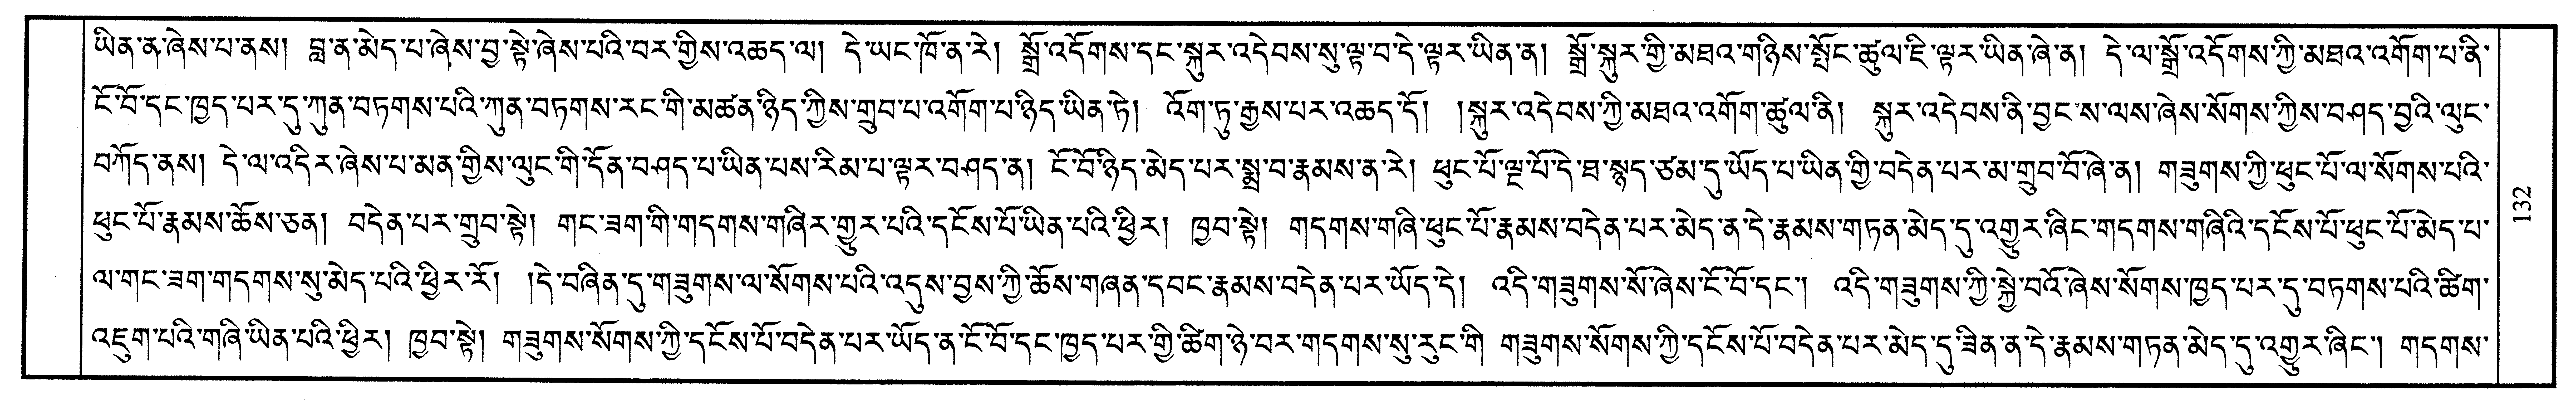ཡིན་ན་ཞེས་པ་ནས། བླ་ན་མེད་པ་ཞེས་བྱ་སྟེ་ཞེས་པའི་བར་གྱིས་འཆད་ལ། དེ་ཡང་ཁོ་ན་རེ། སྒྲོ་འདོགས་དང་སྐུར་འདེབས་སུ་ལྟ་བ་དེ་ལྟར་ཡིན་ན། སྒྲོ་སྐུར་གྱི་མཐའ་གཉིས་སྤོང་ཚུལ་ཇི་ལྟར་ཡིན་ཞེ་ན། དེ་ལ་སྒྲོ་འདོགས་ཀྱི་མཐའ་འགོག་པ་ནི་
ངོ་བོ་དང་ཁྱད་པར་དུ་ཀུན་བཏགས་པའི་ཀུན་བཏགས་རང་གི་མཚན་ཉིད་ཀྱིས་གྲུབ་པ་འགོག་པ་ཉིད་ཡིན་ཏེ། འོག་ཏུ་རྒྱས་པར་འཆད་དོ། །སྐུར་འདེབས་ཀྱི་མཐའ་འགོག་ཚུལ་ནི། སྐུར་འདེབས་ནི་བྱང་ས་ལས་ཞེས་སོགས་ཀྱིས་བཤད་བྱའི་ལུང་
བཀོད་ནས། དེ་ལ་འདིར་ཞེས་པ་མན་གྱིས་ལུང་གི་དོན་བཤད་པ་ཡིན་པས་རིམ་པ་ལྟར་བཤད་ན། ངོ་བོ་ཉིད་མེད་པར་སྨྲ་བ་རྣམས་ན་རེ། ཕུང་པོ་ལྔ་པོ་དེ་ཐ་སྙད་ཙམ་དུ་ཡོད་པ་ཡིན་གྱི་བདེན་པར་མ་གྲུབ་བོ་ཞེ་ན། གཟུགས་ཀྱི་ཕུང་པོ་ལ་སོགས་པའི་
ཕུང་པོ་རྣམས་ཆོས་ཅན། བདེན་པར་གྲུབ་སྟེ། གང་ཟག་གི་གདགས་གཞིར་གྱུར་པའི་དངོས་པོ་ཡིན་པའི་ཕྱིར། ཁྱབ་སྟེ། གདགས་གཞི་ཕུང་པོ་རྣམས་བདེན་པར་མེད་ན་དེ་རྣམས་གཏན་མེད་དུ་འགྱུར་ཞིང་གདགས་གཞིའི་དངོས་པོ་ཕུང་པོ་མེད་པ་
ལ་གང་ཟག་གདགས་སུ་མེད་པའི་ཕྱིར་རོ། །དེ་བཞིན་དུ་གཟུགས་ལ་སོགས་པའི་འདུས་བྱས་ཀྱི་ཆོས་གཞན་དབང་རྣམས་བདེན་པར་ཡོད་དེ། འདི་གཟུགས་སོ་ཞེས་ངོ་བོ་དང་། འདི་གཟུགས་ཀྱི་སྐྱེ་བའོ་ཞེས་སོགས་ཁྱད་པར་དུ་བཏགས་པའི་ཚིག་
འཇུག་པའི་གཞི་ཡིན་པའི་ཕྱིར། ཁྱབ་སྟེ། གཟུགས་སོགས་ཀྱི་དངོས་པོ་བདེན་པར་ཡོད་ན་ངོ་བོ་དང་ཁྱད་པར་གྱི་ཚིག་ཉེ་བར་གདགས་སུ་རུང་གི་གཟུགས་སོགས་ཀྱི་དངོས་པོ་བདེན་པར་མེད་དུ་ཟིན་ན་དེ་རྣམས་གཏན་མེད་དུ་འགྱུར་ཞིང་། གདགས་